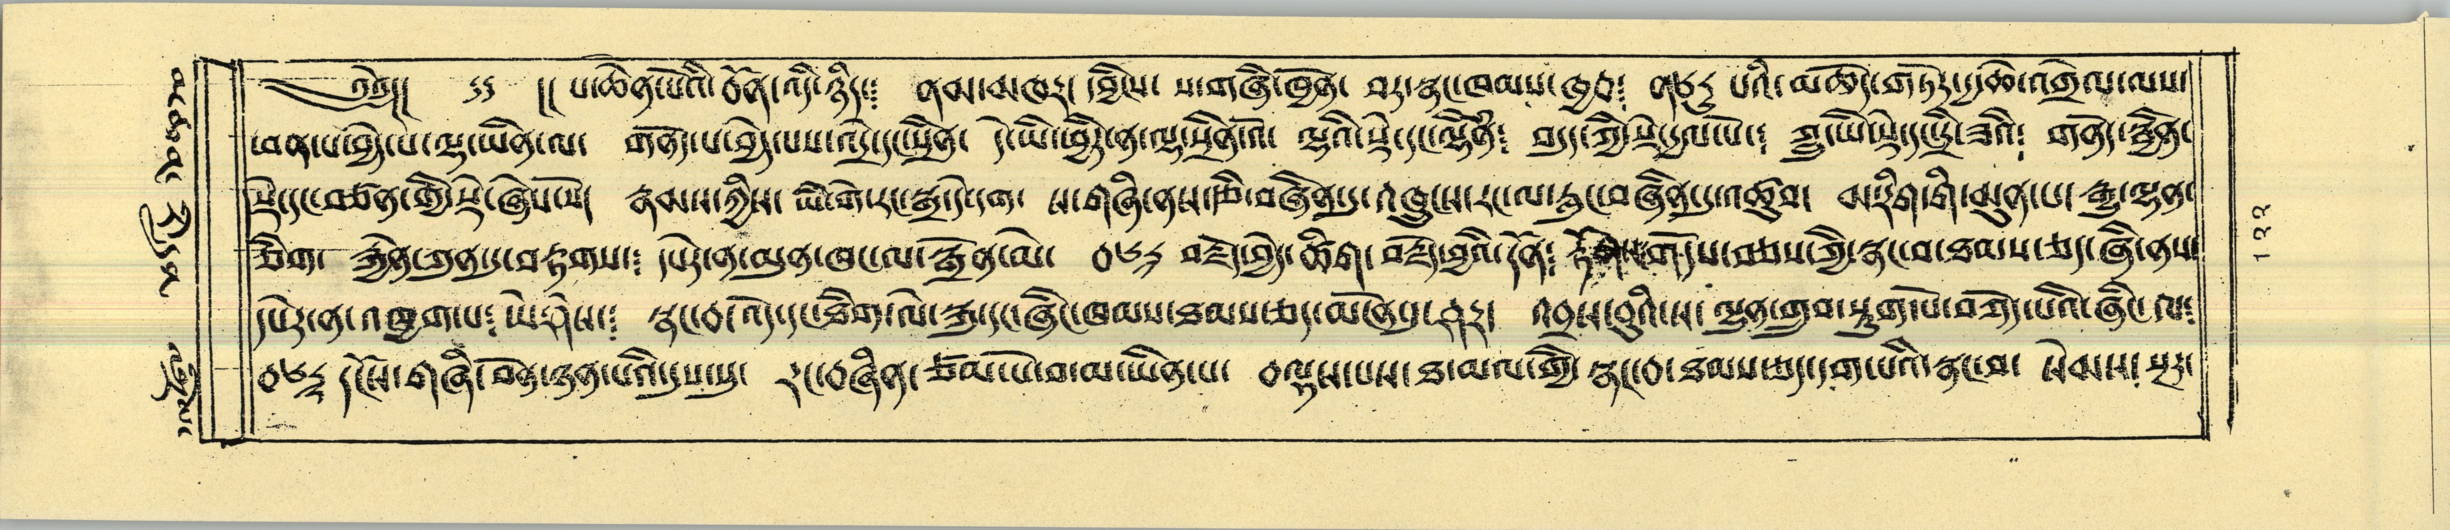པ་ཆེན་པོའི༼བོན༽འདི་ཉིད་༼ནམ་མཁར༽དབྱིངས་ས་གཞི་ཁྱོན་བར་སྣང་ཁམས་༼ཁྱབ༽ན༦༨།༦༼པའི༽མཆོད་གཏོར་རྒྱ་ཆེ་འགྲེལ་ལས། 
ཕན་པ་བྱེད་པ་ལྷ་ཡིན་ལ། གནོད་པ་བྱེད་པའི་འདྲེ་དང་སྲིན་དེ་ཡི་ཕྱིར་ན་ལྷ་དང་སྲིན་པོ་ལྷའི་སྡེ་དང་ལྷ་མ་ཡིན་བདུད་ཀྱི་སྡེ་རྒྱལ་པོ་ཀླུ་ཡི་སྡེ་དང་དྲི་ཟའི་སྡེ་གནོད་སྦྱིན་
སྡེ་དང་བཙན་སྡེ་ཞེས་སོ། ༼རྣམས་ཀྱིས༽ཡི་གེ་རང་སྒྲ་དེ་དག་༼ས་གཞི་ནས་༽རྩི་བཞིན་དུ་༼འཁྲུངས༽རང་ལ་རླུང་བཞིན་དུ་འཚུབས་ ༼མ་རིག་གི་མུན་པ༽རྒྱུ་ལྷན་
ཅིག་སྐྱེས་རྐྱེན་ཀུན་ཏུ་བརྟགས་པ་དཔེར་ན་མུན་ཁང་ལ་སྒྲོན་མེ་བ༦༨།༡ རྗོད་བྱེད་༼ཚིག༽བརྗོད་བྱའི་༼དོན་རྟོགས༽གདོས་བཅས་ཀྱི་སྣང་བ་ཞི་ནས་
དཔེར་ན་འཁྱག་པ་༼ཡེ་ཤེས༽༼ཡེ་ཤེས༽༼སྣང་བ༽འོད་དང་ཐིག་ལེ་སྐུ་དང་ཞིང་ཁམས་ཐམས་ཅད་མངོན་དུ་༼ཤར༽༼འབྲས་བུའི་ས༽ལྷུན་གྲུབ་སྟུག་པོ་བཀོད་པའི་ཞིང་༼ལ༽
བ༦༨།༢ ༼དངོས་གཞི༽ བོན་ཉན་པའི་དུས་སུ་༼རང་བཞིན༽ཙམ་པོ་བ་མ་ཡིན་པ་ ༼བལྟས་པས༽ཐ་མལ་གྱི་༼སྣང་བ༽ཐམས་ཅད་དག་པའི་སྣང་བ་༼སེམས༽སྔར་